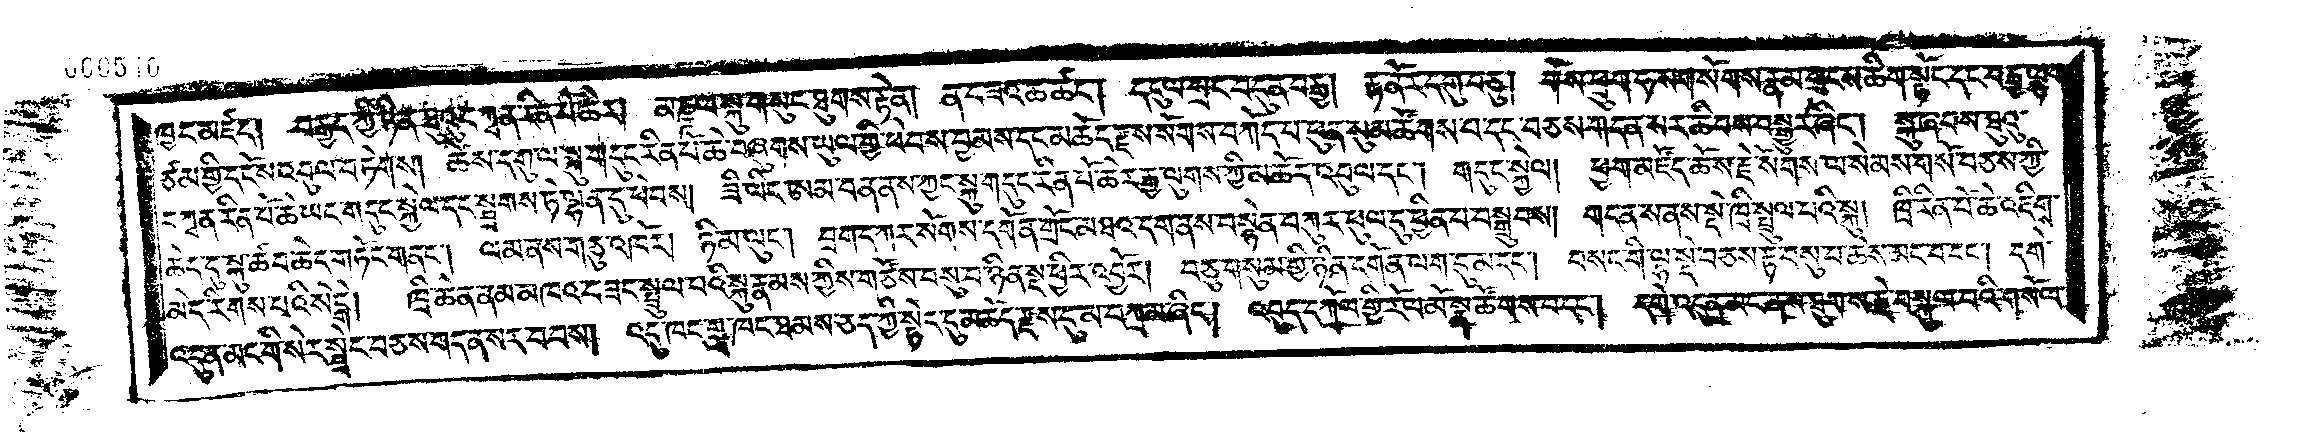ཁྱད་མཛད། བརྒྱད་ཀྱི་ཉིན་ཐུའུ་བཀྭན་རིན་པོ་ཆེར། མཎྜལ་སྐུ་གསུང་ཐུགས་རྟེན། ན་བཟའ་ཆ་ཚང་། དངུལ་སྲང་བདུན་བརྒྱ། རྟ་ནོར་དགུ་བཅུ། གོས་ཕྲུག་ཧ་སག་སོགས་རྣམ་གྲངས་ཆིག་སྟོང་དང་བརྒྱ་ལྷག་
ཙམ་གྱི་དངོས་འབུལ་བཏེགས། ཚེས་དགུ་ལ་སྐུ་གདུང་རིན་པོ་ཆེ་བཞུགས་ཡུལ་གྱི་ཕེབས་བྱམས་དང་མཆོད་རྫས་སོགས་བཀོད་པ་ཕུན་སུམ་ཚོགས་པ་དང་བཅས་གདན་སར་ཆིབས་བསྒྱུར་ཞིང་། སྐུ་ཞབས་ཐུའུ་
བཀྭན་རིན་པོ་ཆེ་ཡང་གདུང་སྐྱེལ་དང་སྦྲགས་ཏེ་ལྷན་དུ་ཕེབས། ཟི་ལིང་ཨམ་བན་ནས་ཀྱང་སྐུ་གདུང་རིན་པོ་ཆེར་རྒྱ་ལུགས་ཀྱི་མཆོད་འབུལ་དང་། གདུང་སྐྱེལ། ཕྱག་མཛོད་ཆོས་རྗེ་སོགས་ལ་སེམས་གསོ་བཅས་ཀྱི་
ཆེད་དུ་སྐུ་ཚབ་ཆེད་གཏོང་གནང་། ལམ་ནས་གཅུ་འཁོར། ཉི་མ་ལུང་། བྲག་དཀར་སོགས་དགོན་གྲོང་མཐའ་དག་ནས་བསྙེན་བཀུར་ཕུལ་དུ་ཕྱིན་པ་བསྒྲུབས། གདན་ས་ནས་སྡེ་ཁྲི་སྤྲུལ་པའི་སྐུ། ཁྲི་རིན་པོ་ཆེ་འཇིགས་
མེད་རིགས་པའི་སེངྒེ། ཁྲི་ཆེན་ནམ་མཁའ་བཟང་སྤྲུལ་པའི་སྐུ་རྣམས་ཀྱིས་གཙོས་བསུ་བ་ཉིན་སྔ་ཕྱིར་འབྱོར། བཅུ་གསུམ་གྱི་ཉིན་དགོན་ལག་དུ་མ་དང་། བསང་གི་ལྷ་སྡེ་བཅས་རྟ་བསུ་པ་ཆེས་མང་བ་དང་། དགེ་
འདུན་མང་གི་སེར་སྦྲེང་བཅས་གདན་སར་བབས། འདུ་ཁང་གྲྭ་ཁང་ཐམས་ཅད་ཀྱི་སྟེང་དུ་མཆོད་རྫས་དུ་མ་བཀྲམ་ཞིང་། འབུད་དཀྲོལ་གྱི་རོལ་མོ་སྣ་ཚོགས་པ་དང་། དགེ་འདུན་མང་ནས་ཐུགས་རྗེ་བསྐུལ་བའི་གསོལ་